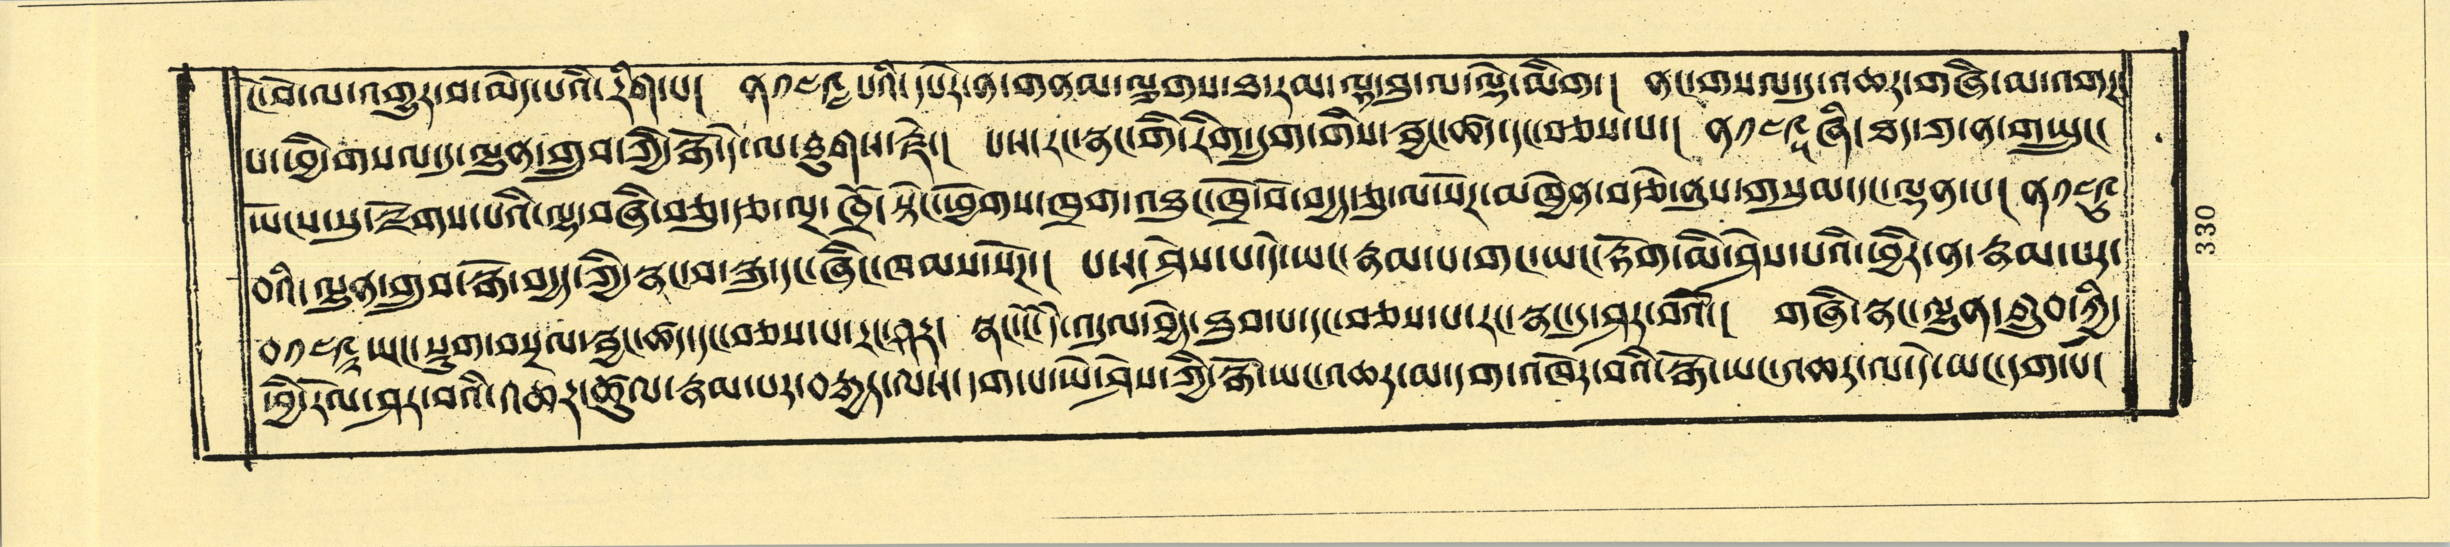ངོ་བོ་ལ་འགྱུར་བ་མེད་པའི་ ༼རིག་པ་༽ན༡༤༩།༤ ༼པའི་༽དཔེར་ན་གནམ་ལྕགས་ཐ་རམ་ལྟ་བུ་ལ་ལྡེ་མིག། ནང་གསལ་དུ་འཆར་གཞི་མ་འགགས་
པ་ཕྱི་གསལ་དུ་ལྷུན་གྲུབ་ཀྱི་སྒོ་དེ་ལ་ ༼ཐུགས་རྗེ།༽ ༼པས་༽རང་སྣང་གི་རིག་དྲུག་གིས་སྦྱང་ཚད་དང་བཅས་པ། ན༡༤༩།༥ ཞི་ཐད་ཀ་ན་གཡུང་དྲུང་
ཡོངས་སུ་སྫོགས་པའི་ལྷ་བཞི་བཅུ་རྩ་ལྔ་ ༼ཁྲོ་བོ་༽སྟེང་ཕྱོགས་ཁྲག་འཐུང་ཁྲོ་བོ་བརྒྱད་ཅུ་ལ་སོགས་མཁྱེན་བརྩེ་ནུས་གསུམ་དང་ལྡན་པ། ན༡༤༩།༦ 
༼བའི་༽ལྷུན་གྲུབ་སྒོ་བརྒྱད་ཀྱི་སྣང་བ་སྐུ་དང་ཞིང་ཁམས་སོགས། ༼པས་༽ཤེས་པ་དེ་ཡང་རྣམ་པ་གང་ཡང་རྟོག་མི་ཤེས་པའི་ཕྱིར་ན་རྣམ་པར་
བ༡༤༩།༢ ༼ཡང་༽སྡུག་བསྔལ་སྦྱང་ཚད་དང་བཅས་པ་ ༼རང་ཤར་༽ ༼སྣང་ངོ་༽དེ་འདུལ་བྱེད་ཐུབ་པ་དང་བཅས་པ་རང་སྣང་དུ་ཤར་བའོ། གཞི་སྣང་ ༼ལྷུན་གྲུབ་ཀྱི་
༽ཕྱི་རོལ་ཤར་བའི་ ༼འཆར་ཚུལ་༽རྣམ་པར་ ༼བརྒྱད་ལས་༽དག་པ་ཡེ་ཤེས་ཀྱི་སྒོ་ཡང་འཆར་མ་དག་འཁོར་བའི་སྒོ་ཡང་འཆར་ལ་དེ་ཡང་དག་པ་